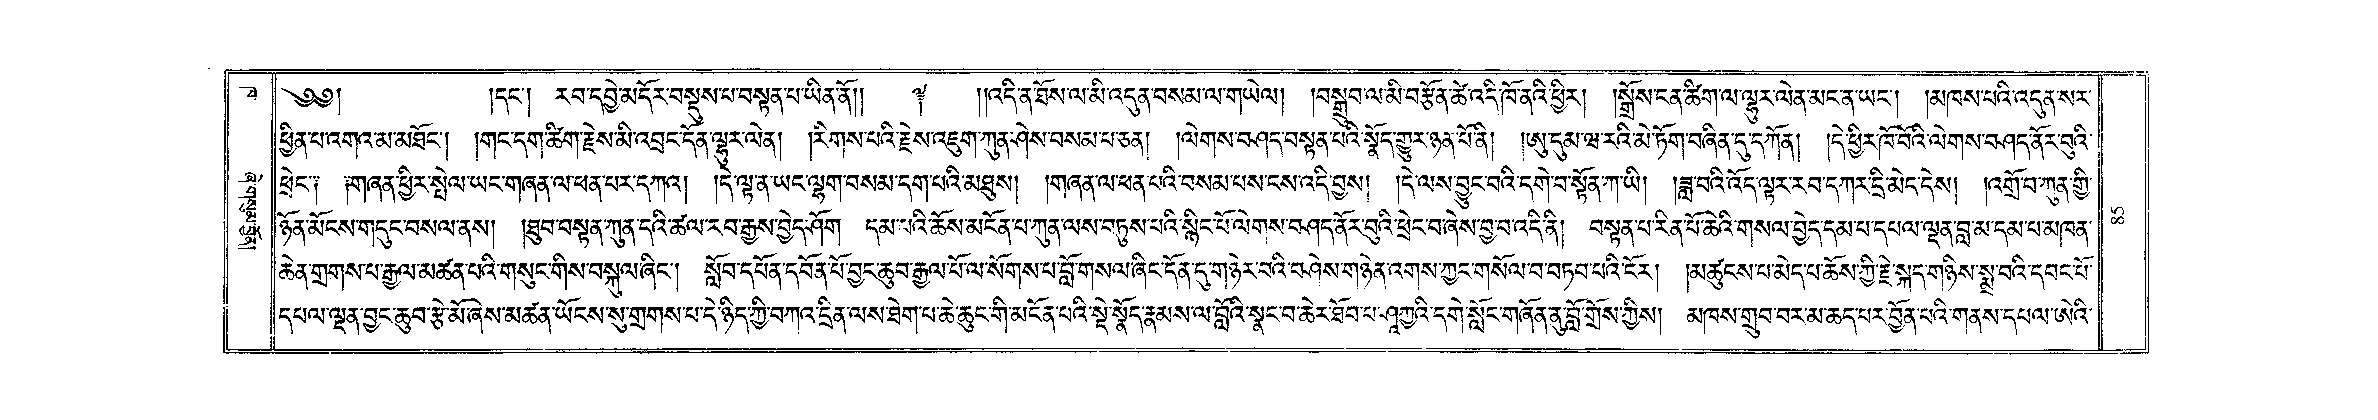༄༅། །དང་། རབ་དབྱེ་མདོར་བསྡུས་པ་བསྟན་པ་ཡིན་ནོ།། ༈ །།འདི་ན་ཐོས་ལ་མི་འདུན་བསམ་ལ་གཡེལ། །བསྒྲུབ་ལ་མི་བརྩོན་ཚེ་འདི་ཁོ་ནའི་ཕྱིར། །སྒྲོས་ངན་ཚིག་ལ་ལྷུར་ལེན་མང་ན་ཡང་། །མཁས་པའི་འདུན་སར་
ཕྱིན་པ་འགའ་མ་མཐོང་། །གང་དག་ཚིག་རྗེས་མི་འབྲང་དོན་ལྷུར་ལེན། །རིགས་པའི་རྗེས་འཇུག་ཀུན་ཤེས་བསམ་པ་ཅན། །ལེགས་བཤད་བསྟན་པའི་སྣོད་གྱུར་ཉན་པོ་ནི། །ཨུ་དུམ་ཝ་རའི་མེ་ཏོག་བཞིན་དུ་དཀོན། །དེ་ཕྱིར་ཁོ་བོའི་ལེགས་བཤད་ནོར་བུའི་
ཕྲེང༑ ༑གཞན་ཕྱིར་སྤེལ་ཡང་གཞན་ལ་ཕན་པར་དཀའ། །དེ་ལྟ་ན་ཡང་ལྷག་བསམ་དག་པའི་མཐུས། །གཞན་ལ་ཕན་པའི་བསམ་པས་ངས་འདི་བྱས། །དེ་ལས་བྱུང་བའི་དགེ་བ་སྟོན་ཀ་ཡི། །ཟླ་བའི་འོད་ལྟར་རབ་དཀར་དྲི་མེད་དེས། །འགྲོ་བ་ཀུན་གྱི་
ཉོན་མོངས་གདུང་བསལ་ནས། །ཐུབ་བསྟན་ཀུན་དའི་ཚལ་རབ་རྒྱས་བྱེད་ཤོག་དམ་པའི་ཆོས་མངོན་པ་ཀུན་ལས་བཏུས་པའི་སྙིང་པོ་ལེགས་བཤད་ནོར་བུའི་ཕྲེང་བ་ཞེས་བྱ་བ་འདི་ནི། བསྟན་པ་རིན་པོ་ཆེའི་གསལ་བྱེད་དམ་པ་དཔལ་ལྡན་བླ་མ་དམ་པ་མཁན་
ཆེན་གྲགས་པ་རྒྱལ་མཚན་པའི་གསུང་གིས་བསྐུལ་ཞིང་། སློབ་དཔོན་དབོན་པོ་བྱང་ཆུབ་རྒྱལ་པོ་ལ་སོགས་པ་བློ་གསལ་ཞིང་དོན་དུ་གཉེར་བའི་བཤེས་གཉེན་འགས་ཀྱང་གསོལ་བ་བཏབ་པའི་ངོར། །མཚུངས་པ་མེད་པ་ཆོས་ཀྱི་རྗེ་སྐད་གཉིས་སྨྲ་བའི་དབང་པོ་
དཔལ་ལྡན་བྱང་ཆུབ་རྩེ་མོ་ཞེས་མཚན་ཡོངས་སུ་གྲགས་པ་དེ་ཉིད་ཀྱི་བཀའ་དྲིན་ལས་ཐེག་པ་ཆེ་ཆུང་གི་མངོན་པའི་སྡེ་སྣོད་རྣམས་ལ་བློའི་སྣང་བ་ཆེར་ཐོབ་པ་ཤཱཀྱའི་དགེ་སློང་གཞོན་ནུ་བློ་གྲོས་ཀྱིས། མཁས་གྲུབ་བར་མ་ཆད་པར་བྱོན་པའི་གནས་དཔལ་ཨེའི་